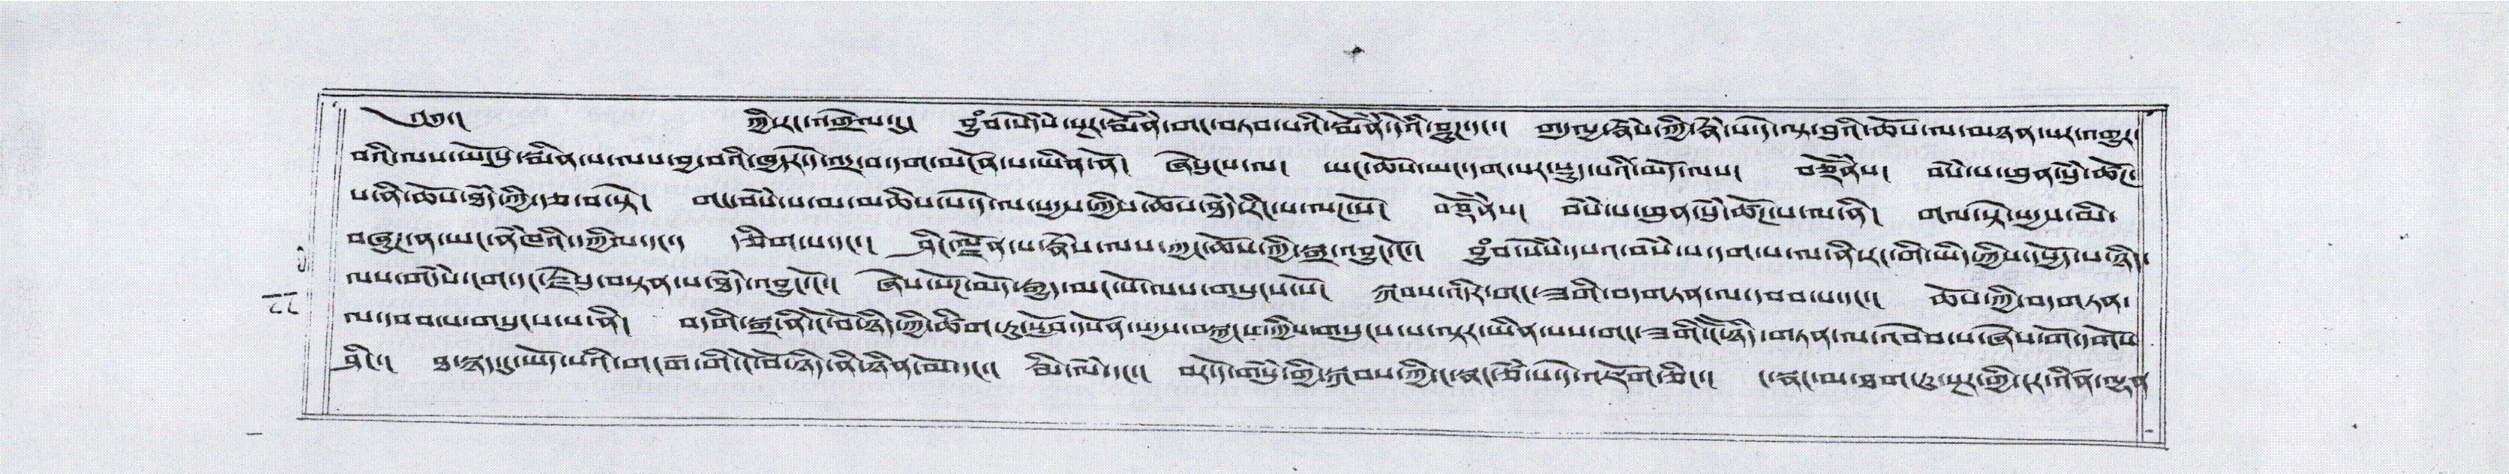ཀྱི་རང་འགྲེལ་དུ། བྱང་ཆུབ་སེམས་དཔའ་སྔར་སྨོན་ལམ་གང་བཏབ་པའི་སྨོན་ལམ་དེའི་ཤུགས་དང། གདུལ་བྱ་རྣམས་ཀྱི་རྣམ་པ་དེ་ལྟ་བུའི་ཆོས་ལ་མཉན་པར་འགྱུར་
བའི་ལས་ཡོངས་སུ་སྨིན་པ་ལས་བྱ་བའི་ཁྱད་པར་དེ་འདྲ་བ་དག་མངོན་པ་ཡིན་ནོ། ཞེས་གསུངས་ལ། ཡང་ཆོས་ཡང་དག་པར་སྡུད་པའི་མདོ་ལས། བཅོམ་ལྡན་འདས། བསམ་པ་ཕུན་སུམ་ཚོགས་
པ་ནི་ཆོས་ཐམས་ཅད་ཀྱི་རྩ་བ་སྟེ། གང་བསམ་པ་མ་མཆིས་པ་དེ་ལ་སངས་རྒྱས་ཀྱིས་ཆོས་ཐམས་ཅད་རིང་པ་ལགས་སོ། བཅོམ་ལྡན་འདས། བསམ་པ་ཕུན་སུམ་ཚོགས་པ་ལ་ནི། གལ་ཏེ་སངས་རྒྱས་མི་
བཞུགས་ན་ཡང་ནམ་མཁའི་དཀྱིལ་དང། རྩིག་པ་དང། ཤིང་ལྗོན་པ་རྣམས་ལས་ཀྱང་ཆོས་ཀྱི་སྒྲ་འབྱུང་ངོ། བྱང་ཆུབ་སེམས་དཔའ་བསམ་པ་དག་པ་ལ་ནི་རང་གི་ཡིད་ཀྱིས་དཔྱོད་པ་ཉིད་
ལས་གདམས་ངག་དང་རྗེས་སུ་བསྟན་པ་ཐམས་ཅད་འབྱུང་ངོ། ཞེས་སོགས་མདོ་རྒྱུད་མང་པོ་ལས་གསུངས་སོ། སྐབས་འདིར་གང་ཟག་གི་བདག་གཏན་ལ་དབབ་པ་དང། ཆོས་ཀྱི་བདག་གཏན་
ལ་དབབ་པ་གསུངས་པ་ནི། བདག་གི་སྒྲ་ནི་ངོ་བོ་ཉིད་ཀྱི་ཚིག་ཏུ་སློབ་དཔོན་སངས་རྒྱས་བསྐྱངས་ཀྱིས་གསུངས་པ་ལྟར་ཡིན་པས་གང་ཟག་ངོ་བོ་ཉིད་གཏན་ལ་འབེབ་པ་ཞེས་གོ་དགོས་
ཤིང། ཐ་སྙད་དུ་ཡོད་པའི་གང་ཟག་གི་ངོ་བོ་ཉིད་ནི་ཉིན་མོ་དང། རྨི་ལམ་དང། བར་དོ་གསུམ་གྱི་སྐབས་ཀྱི་ང་སྣང་ཙམ་པ་དེ་འཇོག་ཅིང། ང་སྣང་མ་ཐག་ཏུ་སྔར་གྱི་ངར་འཛིན་ལྷན་